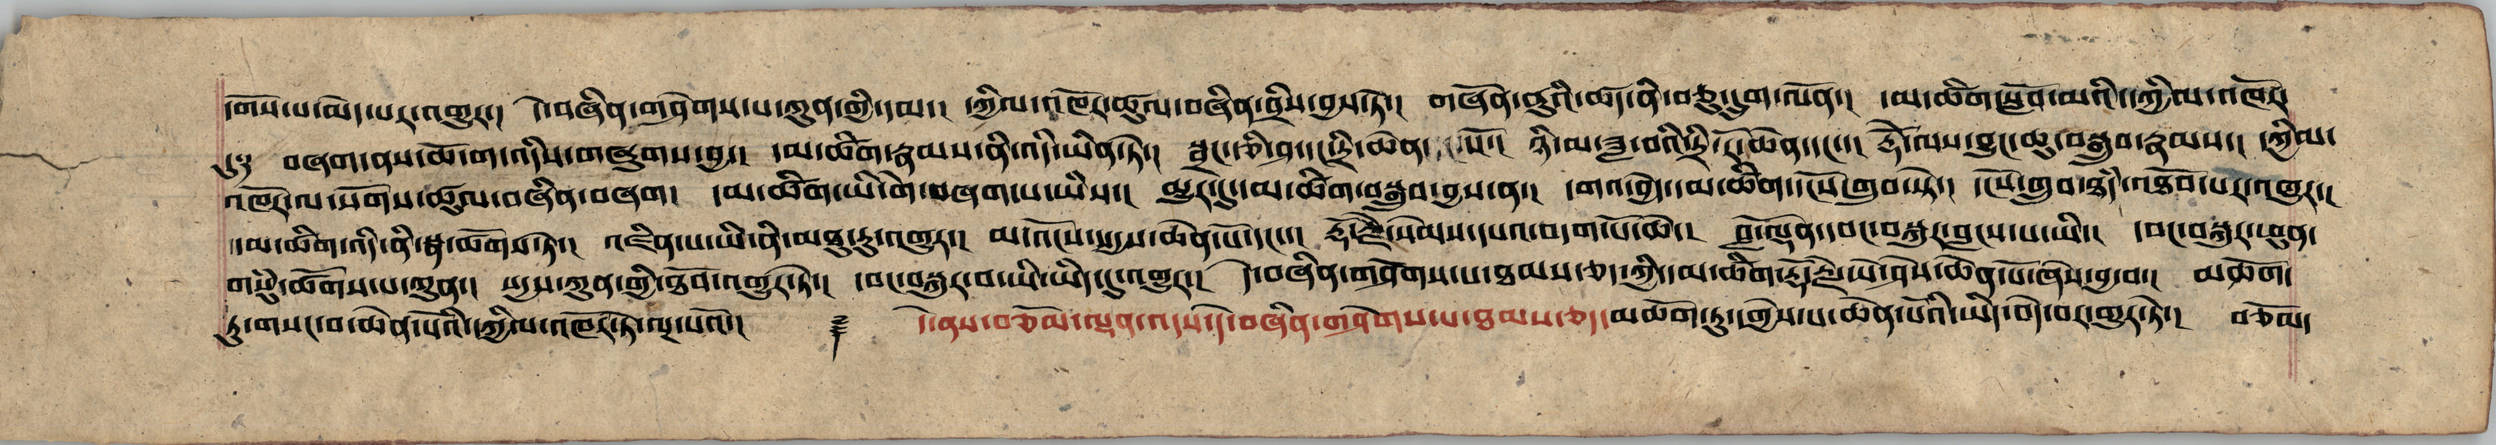དགོས་པ་མེད་པར་འགྱུར་། དེ་བཞིན་གཤེགས་པ་ཀུན་གྱི་དམ་། དཀྱིལ་འཁོར་ཚུལ་བཞིན་བྲིས་བྱས་ཏེ་། གཞོན་ནུའི་ཚད་ནི་བཅུ་དྲུག་ལོན་། དམ་ཚིག་སློབ་མའི་དཀྱིལ་འཁོར་
དུ༑ བཞག་ནས་ཆོ་ག་འདིས་གཞུགས་བྱ་། དམ་ཚིག་རྣམས་ནི་འདི་ཡིན་ཏེ་། སྦྲང་རྩི་ཤ་དང་དྲི་ཆེན་ པོ་། ཉི་མ་ཟླ་བའི་དྲི་རོ་ཆེན་དང་་། རྡོེ་ལས་བྱུང་ཆུ་བསྒྲུབ་རྣམས་། དཀྱིལ་
འཁོར་ལ་སོགས་ཚུལ་བཞིན་བཞག། དམ་ཚིག་ཡི་གེ་བཞག་པ་ཡིས་། མྱུར་དུ་དམ་ཚིག་བསྒྲུབ་བྱས་ན་། དགའ་བྱེད་དམ་ཚིག་དངོས་གྲུབ་སྟེ་། དངོས་གྲུབ་ཐདཾ་འཐོབ་པར་འགྱུར་།
དམ་ཚིག་འདི་ནི་སྣ་ཚོགས་ཏེ་། འཛིན་པ་ཡི་ནི་མཐུ་རུ་འགྱུར་། མ་འོངས་སདྱས་ཆེན་པོ་དང་་། རྡོ་རྗེ་སེམས་དཔའ་བདག་པོ་ཆེ་། བློ་ལྡན་དབང་བསྐུར་བླངས་པ་ཡི་། དབང་བསྐུར་ཕུན་
གསུཾ་ཚོགས་པ་ཀུན་། སདྱས་ཀུན་གྱི་ཐོབ་འགྱུར་ཏེ་། དབང་བསྐུར་བ་ཡི་ཡིད་དུ་འགྱུར་། དེ་བཞིན་གཤེགས་པ་ཐམས་ཅད་ཀྱི་དམ་ཚིག་རྡོ་རྗེ་ཡེ་ཤེས་ཆེན་པོ་ཞེས་བྱ་བ་། མཆོག་
ཏུ་གསང་བ་ཆེན་པོའི་དཀྱིལ་འཁོར་ལྔ་པའོ་། ࿑ དེ་ནས་བཅོམ་ལྡན་འདས་དེ་བཞིན་གཤེགས་པ་ཐམས་ཅད་མཆོག་ཏུ་དགྱེས་པ་ཆེན་པོའི་ཡིད་བདེ་བར་འགྱུར་ཏེ་། བཅོམ་